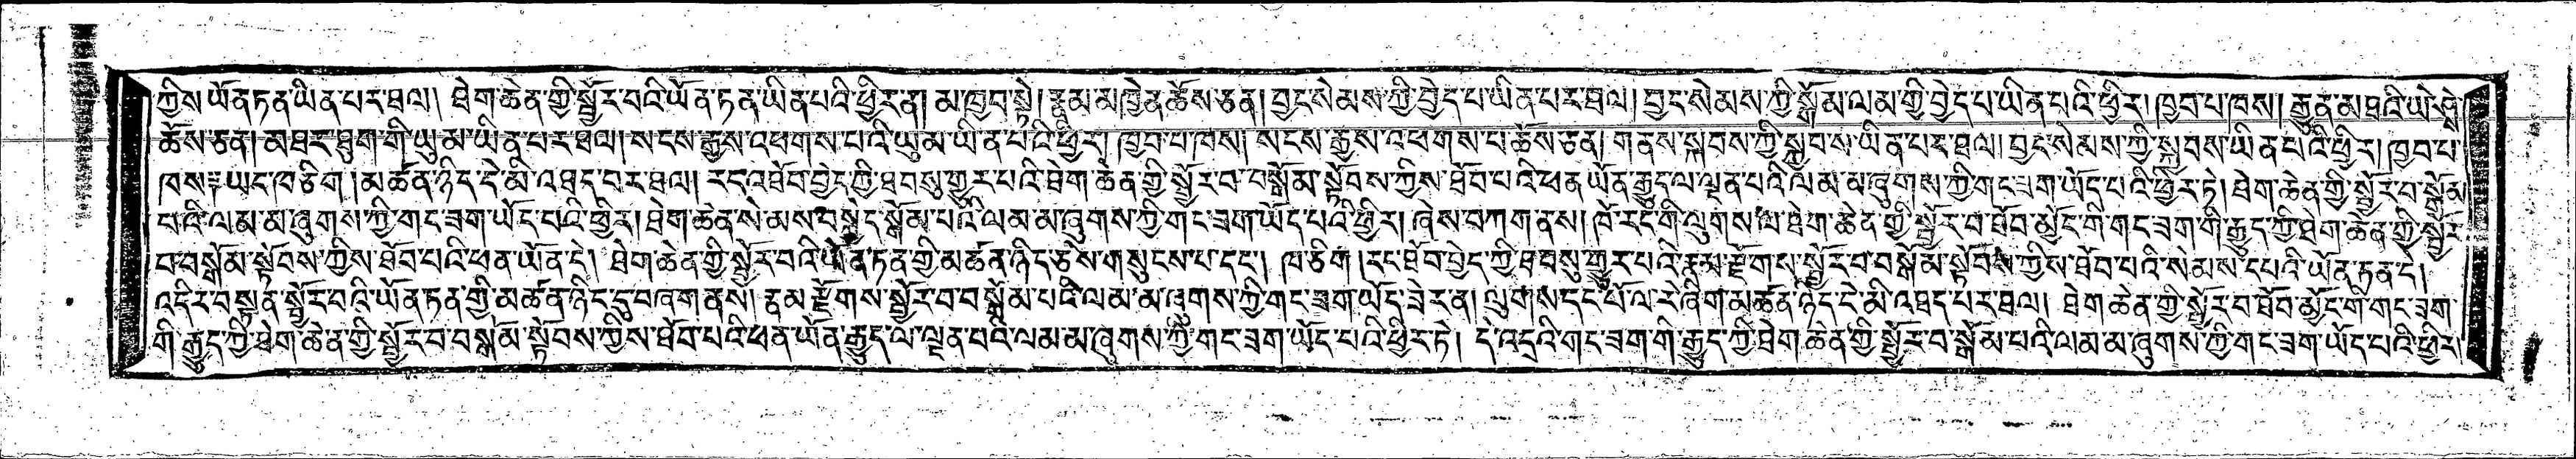ཀྱིས་ཡོན་ཏན་ཡིན་པར་ཐལ། ཐེག་ཆེན་གྱི་སྦྱོར་བའི་ཡོན་ཏན་ཡིན་པའི་ཕྱིར་ན། མ་ཁྱབ་སྟེ། རྣམ་མཁྱེན་ཆོས་ཅན། བྱང་སེམས་ཀྱི་བྱེད་པ་ཡིན་པར་ཐལ། བྱང་སེམས་ཀྱི་སྒོམ་ལམ་གྱི་བྱེད་པ་ཡིན་པའི་ཕྱིར། ཁྱབ་པ་ཁས། རྒྱུན་མཐའི་ཡེ་ཤེས་
ཆོས་ཅན། མཐར་ཐུག་གི་ཡུམ་ཡིན་པར་ཐལ། སངས་རྒྱས་འཕགས་པའི་ཡུམ་ཡིན་པའི་ཕྱིར། ཁྱབ་པ་ཁས། སངས་རྒྱས་འཕགས་པ་ཆོས་ཅན། གནས་སྐབས་ཀྱི་སྐྱབས་ཡིན་པར་ཐལ། བྱང་སེམས་ཀྱི་སྐྱབས་ཡིན་པའི་ཕྱིར། ཁྱབ་པ་
ཁས༑ ཡང་ཁ་ཅིག །མཚན་ཉིད་དེ་མི་འཐད་པར་ཐལ། རང་འཐོབ་བྱེད་ཀྱི་ཐབས་སུ་གྱུར་པའི་ཐེག་ཆེན་གྱི་སྦྱོར་བ་བསྒོམ་སྟོབས་ཀྱིས་ཐོབ་པའི་ཕན་ཡོན་རྒྱུད་ལ་ལྡན་པའི་ལམ་མ་ཞུགས་ཀྱི་གང་ཟག་ཡོད་པའི་ཕྱིར་ཏེ། ཐེག་ཆེན་གྱི་སྦྱོར་བ་སྒོམ་
པའི་ལམ་མ་ཞུགས་ཀྱི་གང་ཟག་ཡོད་པའི་ཕྱིར། ཐེག་ཆེན་སེམས་བསྐྱེད་སྒོམ་པའི་ལམ་མ་ཞུགས་ཀྱི་གང་ཟག་ཡོད་པའི་ཕྱིར། ཞེས་བཀག་ནས། ཁོ་རང་གི་ལུགས་ལ་ཐེག་ཆེན་གྱི་སྦྱོར་བ་ཐོབ་མྱོང་གི་གང་ཟག་གི་རྒྱུད་ཀྱི་ཐེག་ཆེན་གྱི་སྦྱོར་
བ་བསྒོམ་སྟོབས་ཀྱིས་ཐོབ་པའི་ཕན་ཡོན་དེ། ཐེག་ཆེན་གྱི་སྦྱོར་བའི་ཡོན་ཏན་གྱི་མཚན་ཉིད་ཅེས་གསུངས་པ་དང་། ཁ་ཅིག། རང་ཐོབ་བྱེད་ཀྱི་ཐབས་སུ་གྱུར་པའི་རྣམ་རྫོགས་སྦྱོར་བ་བསྒོམ་སྟོབས་ཀྱིས་ཐོབ་པའི་སེམས་དཔའི་ཡོན་ཏན་དེ།
འདིར་བསྟན་སྦྱོར་བའི་ཡོན་ཏན་གྱི་མཚན་ཉིད་དུ་བཞག་ནས། རྣམ་རྫོགས་སྦྱོར་བ་བསྒོམ་པའི་ལམ་མ་ཞུགས་ཀྱི་གང་ཟག་ཡོད་ཟེར་ན། ལུགས་དང་པོ་ལ་རེ་ཞིག་མཚན་ཉིད་དེ་མི་འཐད་པར་ཐལ། ཐེག་ཆེན་གྱི་སྦྱོར་བ་ཐོབ་མྱོང་གི་གང་ཟག་
གི་རྒྱུད་ཀྱི་ཐེག་ཆེན་གྱི་སྦྱོར་བ་བསྒོམ་སྟོབས་ཀྱིས་ཐོབ་པའི་ཕན་ཡོན་རྒྱུད་ལ་ལྡན་པའི་ལམ་མ་ཞུགས་ཀྱི་གང་ཟག་ཡོད་པའི་ཕྱིར་ཏེ། དེ་འདྲའི་གང་ཟག་གི་རྒྱུད་ཀྱི་ཐེག་ཆེན་གྱི་སྦྱོར་བ་སྒོམ་པའི་ལམ་མ་ཞུགས་ཀྱི་གང་ཟག་ཡོད་པའི་ཕྱིར།